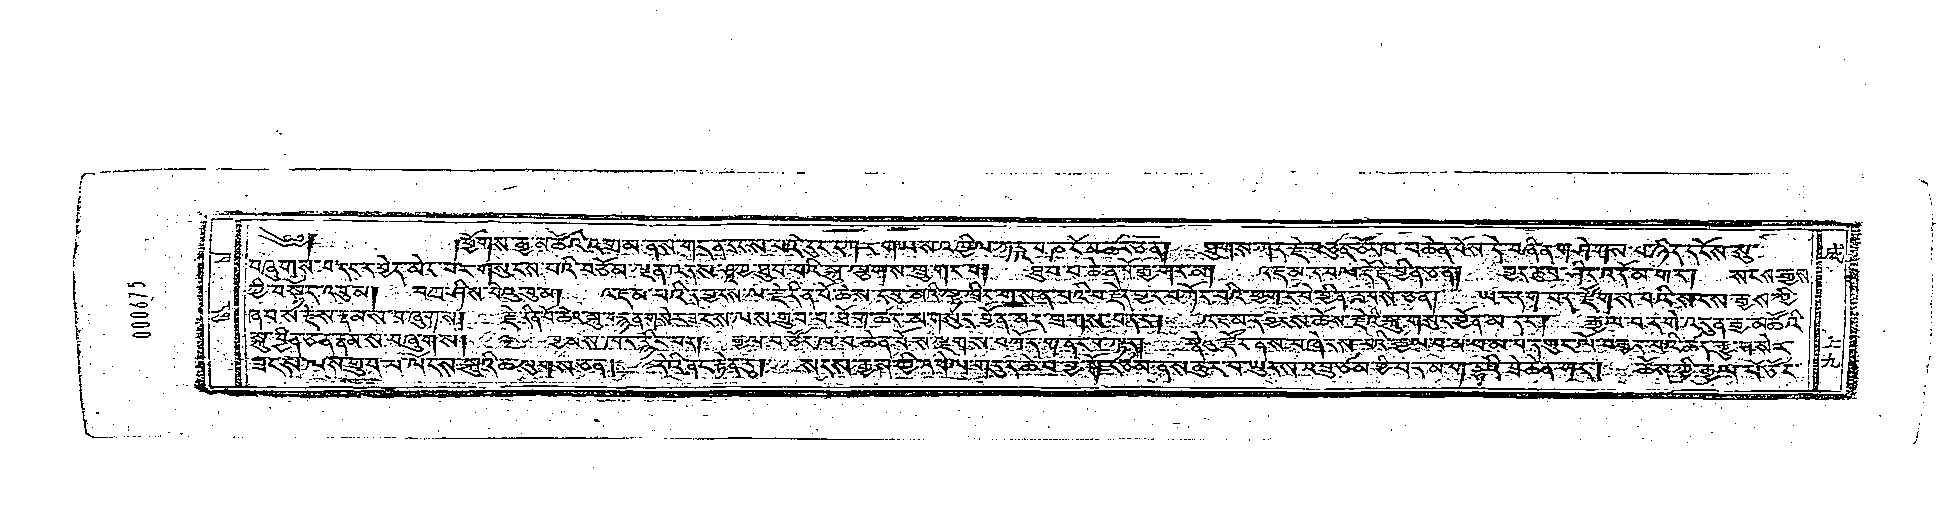༄༅། །ཕྱོགས་རྒྱ་མཚོའི་འགྲམ་ནས་གདན་དྲངས་པའི་དུང་དཀར་གཡས་འཁྱིལ་ཀངཱ་པ་ཎ་ངོ་མཚར་ཅན། ཐུགས་ཀར་རྗེ་བཙུན་ཙོང་ཁ་བ་ཆེན་པོས་དེ་བཞིན་གཤེགས་པ་ཉིད་དངོས་སུ་
བཞུགས་བ་དང་དབྱེར་མེད་པར་གསུངས་པའི་བཅོམ་ལྡན་འདས་ཤཱཀྱ་ཐུབ་པའི་སྐུ་ལྕགས་ཁྲུ་གང་བ། ཐུབ་བ་ཆེན་པོ་རྒྱ་གར་མ། འཇམ་དཔལ་རྡོ་རྗེ་བྱིན་ཅན། བྱང་ཆུབ་ཤིང་འདོམ་གང་། སངས་རྒྱས་
ཀྱི་བསྟོད་འབུམ། བཀྲ་ཤིས་བེའུ་བུ་མ། འཇམ་པའི་དབྱངས་ལ་རྗེ་རིན་པོ་ཆེས་དབུ་མའི་ལྟ་ཁྲིད་གསན་པའི་བརྗེད་བྱང་བཀོད་བའི་ཕྱག་དབེ་བྱིན་རླབས་ཅན། ཡང་དག་པར་རྫོགས་པའི་སངས་རྒྱས་ཀྱི་
ཞབས་རྗེས་རྣམས་བ་ཞུགས། རྗེ་རིན་པོ་ཆེའི་སྐུ་བརྙན་གསེར་ཟངས་ལས་གྲུབ་པ་ཐོག་ཚད་མ་གསུང་བྱོན་མར་གྲགས་པ་དང་། འཇམ་དབྱངས་ཆོས་རྗེའི་སྐུ་གསུང་བྱོན་མ་དང་། རྒྱལ་བ་དགེ་འདུན་རྒྱ་མཚོའི་
སྐུ་བྱིན་ཅན་རྣམས་བཞུགས། ༈ བྱམས་ཁང་རྙིང་བར། རྒྱལ་བ་ཙོང་ཁ་པ་ཆེན་པོས་ལྗགས་བཀོད་གནང་བ་ལྟར། སྣེའུ་རྫོང་ནས་བཞེངས་པའི་རྒྱལ་བ་མ་ཕལ་པ་དགུང་ལོ་བརྒྱད་པའི་ཚད་རྒྱུ་གསེར་
ཟངས་ལས་གྲུབ་པ་ལོངས་སྐུའི་ཆ་ལུགས་ཅན། དེའི་ནང་རྟེན་དུ། སངས་རྒྱས་ཀྱི་འཕེལ་གདུང་ཆེ་བ་བྱ་སྒོང་ཙམ་ནས་ཆུང་བ་ཡུངས་འབྲུ་ཙམ་གྱི་བར་མ་ག་དྷའི་བྲེ་ཆེན་གང་། ཆོས་ཀྱི་རྒྱལ་པོ་ཙོང་